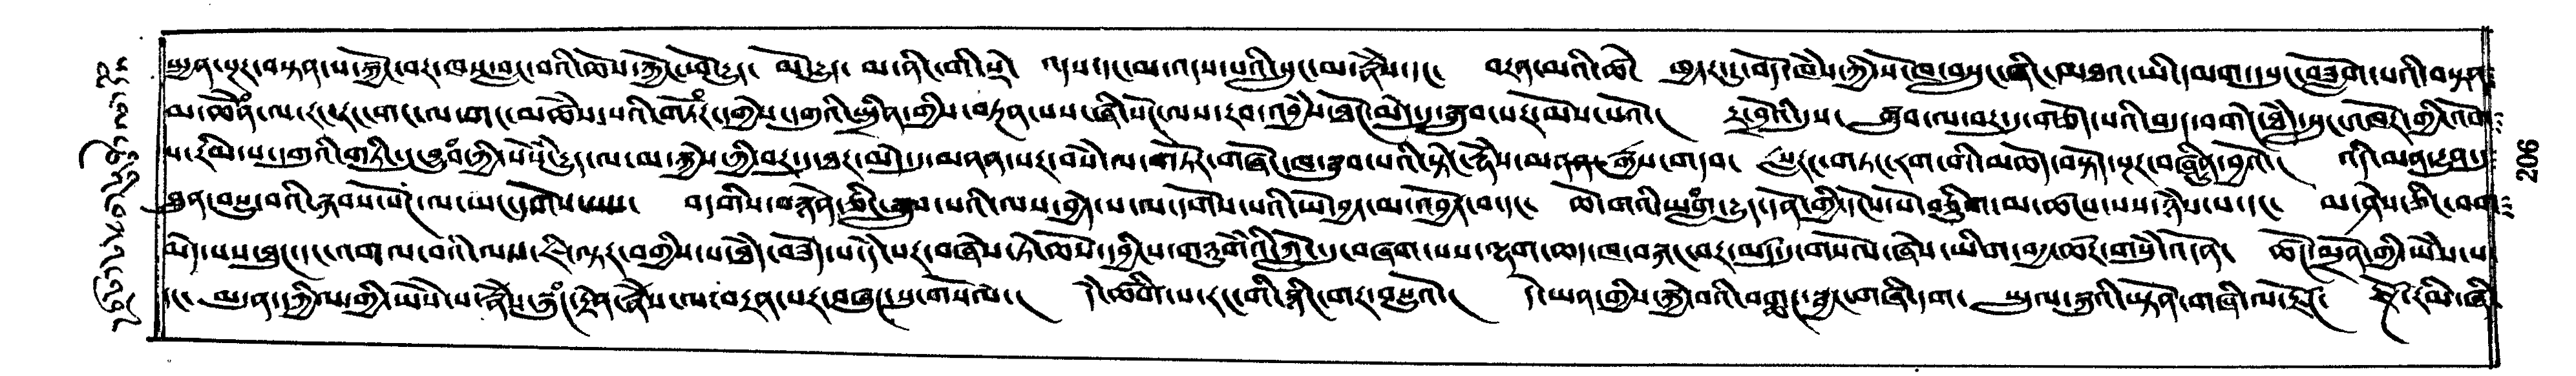སྤྱན་སྔར་བསྟན་པ་སྐྱོང་བར་ཁས་བླངས་བའི་ཆོས་སྐྱོང་ཕོ་རྒྱུད། མོ་རྒྱུད། མ་ནིང་གི་སྡེ། འདས་དང་མ་འདས་པའི་སྲུང་མ་རྣམས་དང་། བརྟན་མའི་ཚེ། ཁྱད་པར་དུ་བོད་ཁམས་ཀྱི་སོ་ཁ་བསྲུང་ཞིང་མཐའ་ཡི་དམག་དཔུང་བཟློག་པའི་བསྟན་
མ་ཆེན་མོ་རྣམས་ལ་རང་རང་གང་ལ་གང་འཚམས་པའི་གཏོར་མ་དགྱེས་དགུའི་སྤྲིན་གྱིས་བརྔན་པས་ཞི་སོགས་ལས་རབ་འབྱམས་ཐོགས་མེད་དུ་སྒྲུབ་པར་མོས་པའོ།། རྟ་བྲོའི་དུས། སྒྲུབ་ལ་བར་དུ་གཅོད་པའི་བདུད་བགེགས་ཐམས་ཅད་སྲུང་འཁོར་གྱི་འོག་
ས་རིམ་པ་དགུའི་གཏིང་དུ་བྱང་ཆུབ་ཀྱི་སེམས་རྒྱུད་ལ་མ་སྐྱེས་ཀྱི་བར་ཐར་མེད་དུ་མནན་པར་བསམ་ལ་གཏོར་གཞོང་ཁ་སྦུབས་པའི་སྟེང་རྡོ་རྗེས་མནན་ཅིང་རྒྱས་གདབ། སླར་གཏང་རག་གི་མཆོད་བསྟོད་སྔར་བཞིན་དུ་བྱའོ།། །འདི་མན་རྒྱུན་དུ་
ཐུན་བསྡུ་བའི་སྐབས་སོགས་ལ་ཡང་དགོས།བདག་གིས་བསྙེན་ཅིང་སྒྲུབ་པའི་ལས་བྱེད་པ་ལ་དགོས་པའི་ཡོ་བྱད་མ་འབྱོར་བ་དང་། ཆོ་གའི་ཡན་ལག་རྒྱུད་དོན་གྱི་དངོས་པོ་བཅུ་གཅིག་མ་ཚང་པས་ཉམས་པ་དང་། མ་ཤེས་ཅིང་བག་
མེད་པས་ཐུགས་དང་འགལ་བའི་ལས་ཇི་ལྟར་བགྱིས་པ་ཐམས་ཅད་བཟོད་པ་དམ་པར་བཞེས་ཏེ་ཆོས་དབྱིངས་གཉུག་མའི་ཀློང་དུ་བཞག་པས་ལྷག་ཆད་ཁ་བསྐང་བར་མཛད་དུ་གསོལ་ཞེས་ཡིག་བརྒྱ་ཚར་གསུམ་འདོན། ཚོགས་མགྲོན་གྱི་ཡེ་ཤེས་པ་
དང་། མདུན་དཀྱིལ་གྱི་ཡེ་ཤེས་པ་རྣམས་སྐུ་གསུང་ཐུགས་རྟེན་ལ་བརྟན་པར་བཞུགས་སུ་གསོལ། དམ་ཚིག་པ་རང་གི་སྙིང་གར་བསྡུའོ།། དེ་ཡན་གྱིས་སྐྱེ་བའི་བག་ཆགས་སྦྱང་ཞིང་དག སྤྲུལ་སྐུའི་ཡོན་ཏན་གཞི་ལ་རྫོགས། རྫོགས་རིམ་ཞི་